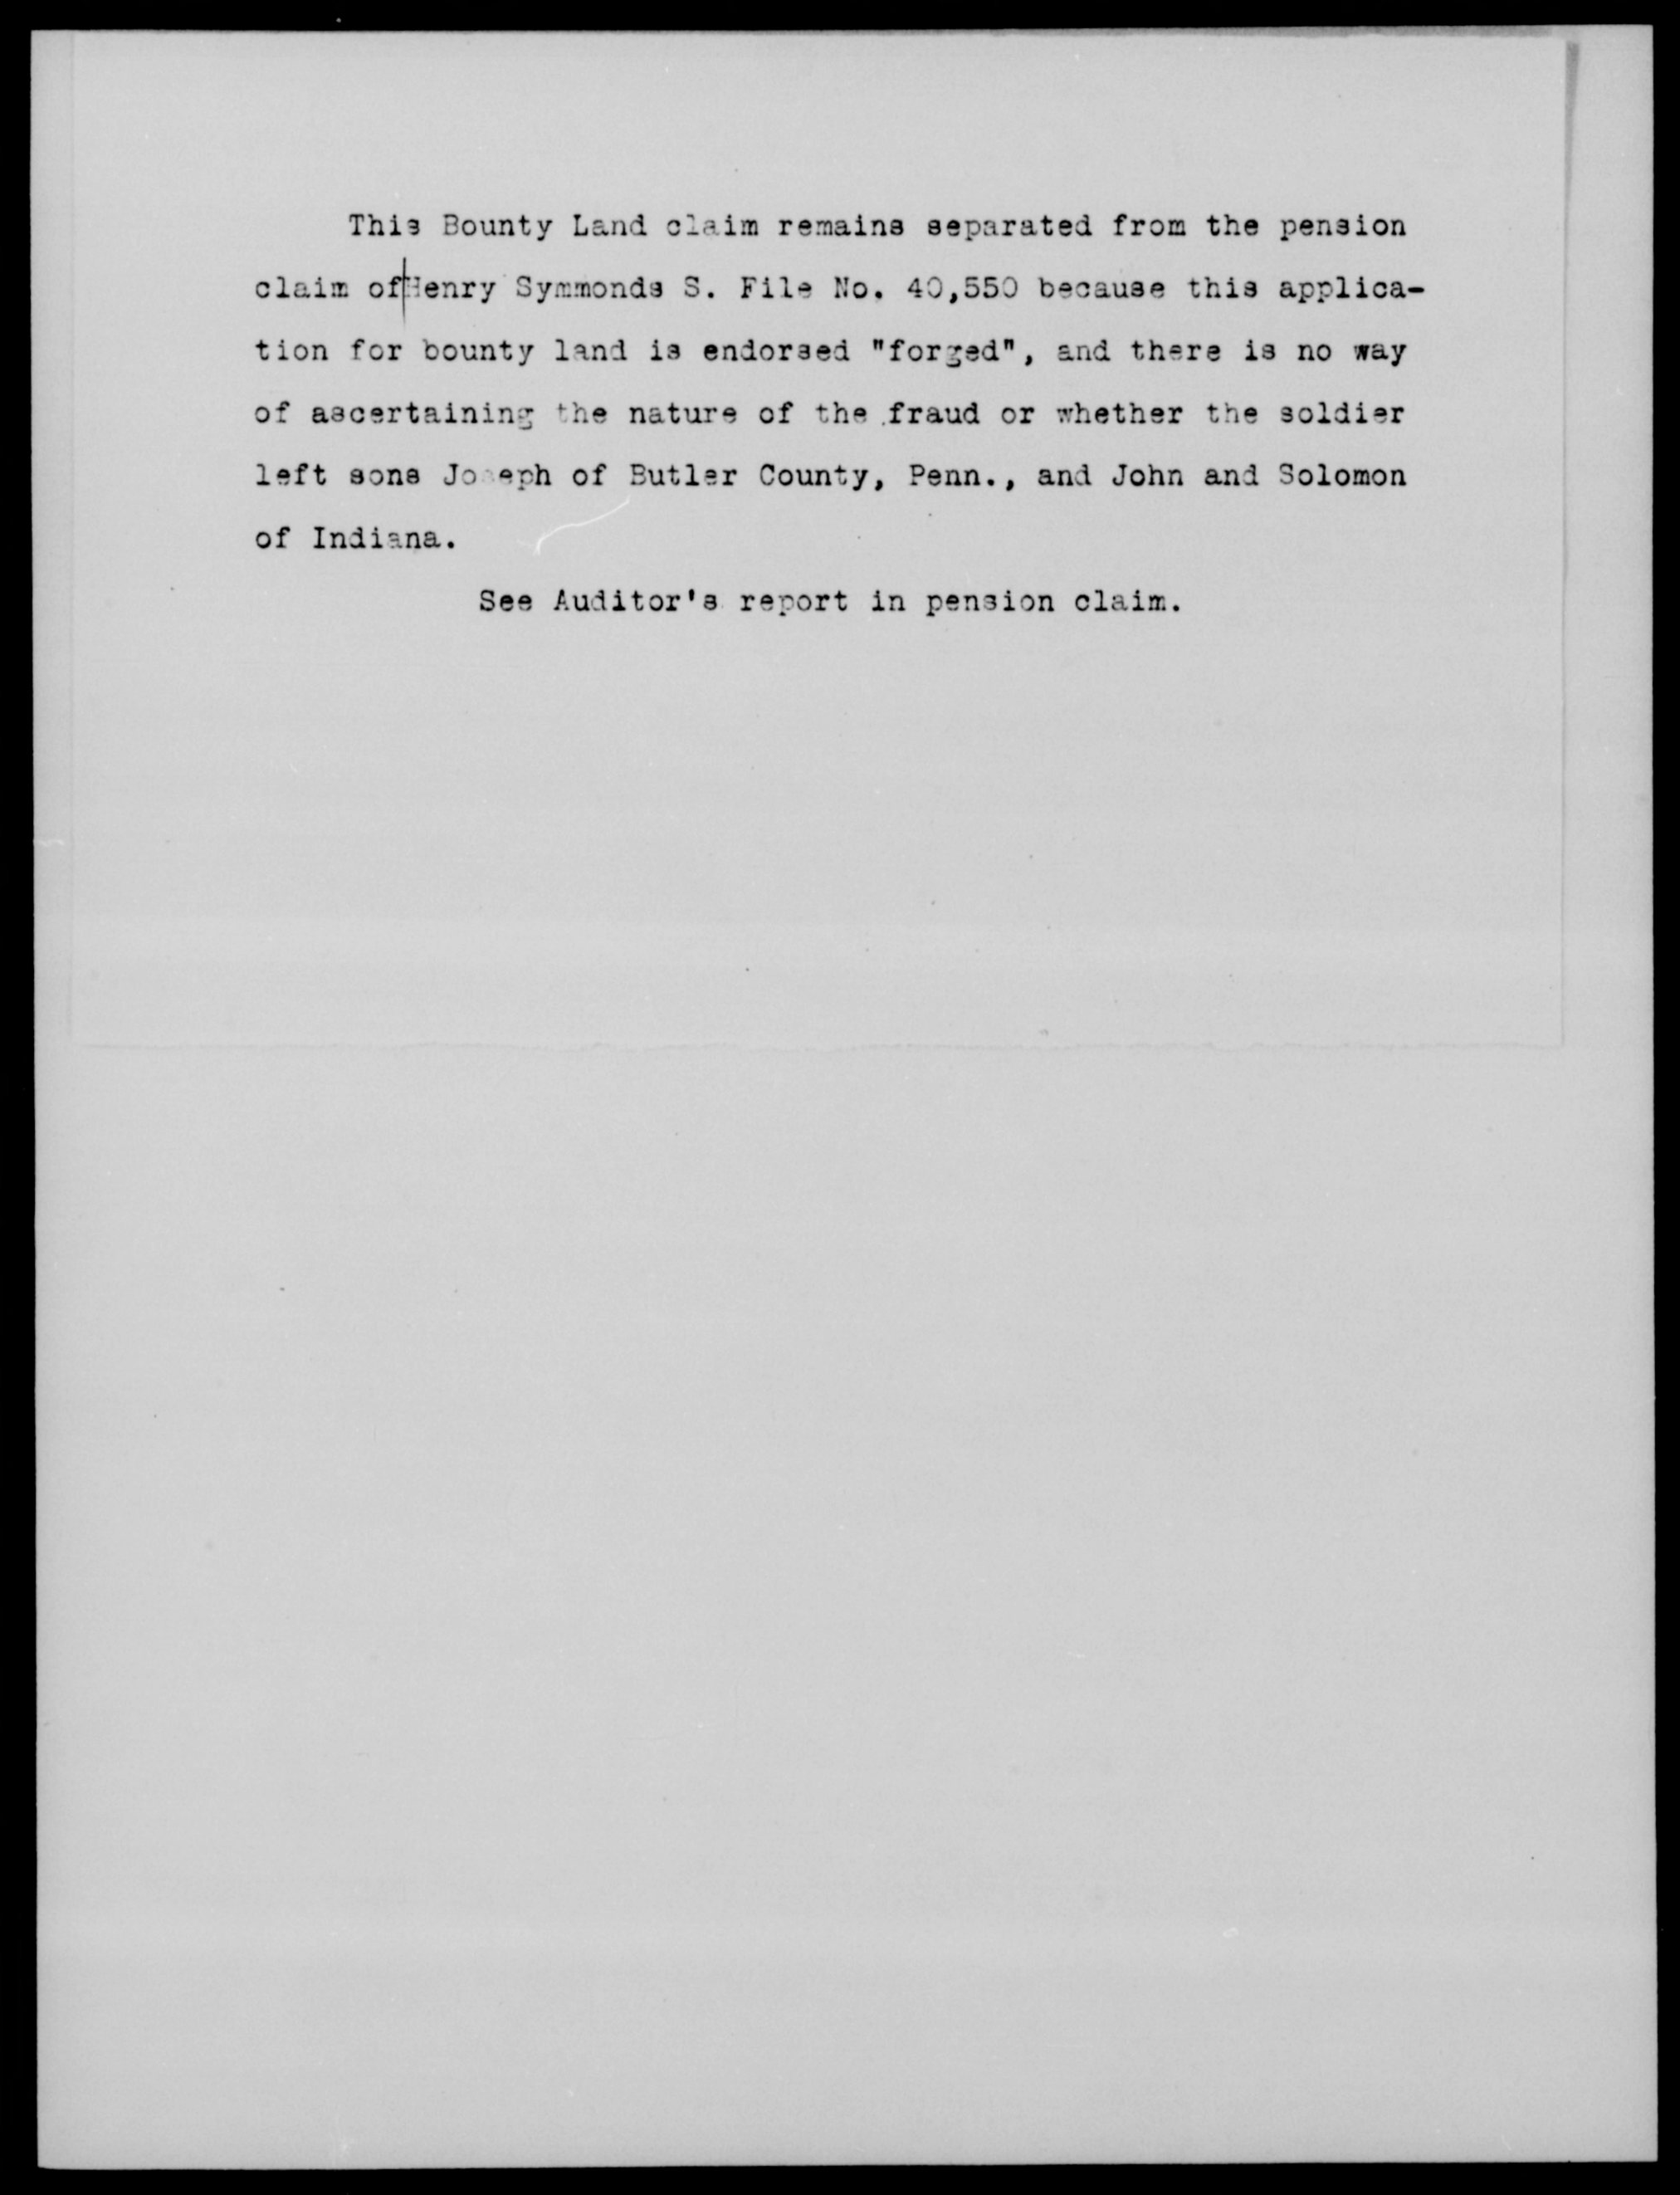This Bounty Land claim remains separated from the pension claim of Henry Symmonds, S. File No. 40,550 because this application for bounty land is endorsed "forged", and there is no way of ascertaining the nature of the fraud or whether the soldier left sons Joseph of Butler County, Penn., and John and Solomon of Indiana. 
See Auditor's report in pension claim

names: Henry Symmonds; Solomon [BLANK]; Joseph [BLANK]; John [BLANK]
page: 2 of 6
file: B. L. Rej., for Henry Simmonds, Pennsylvania